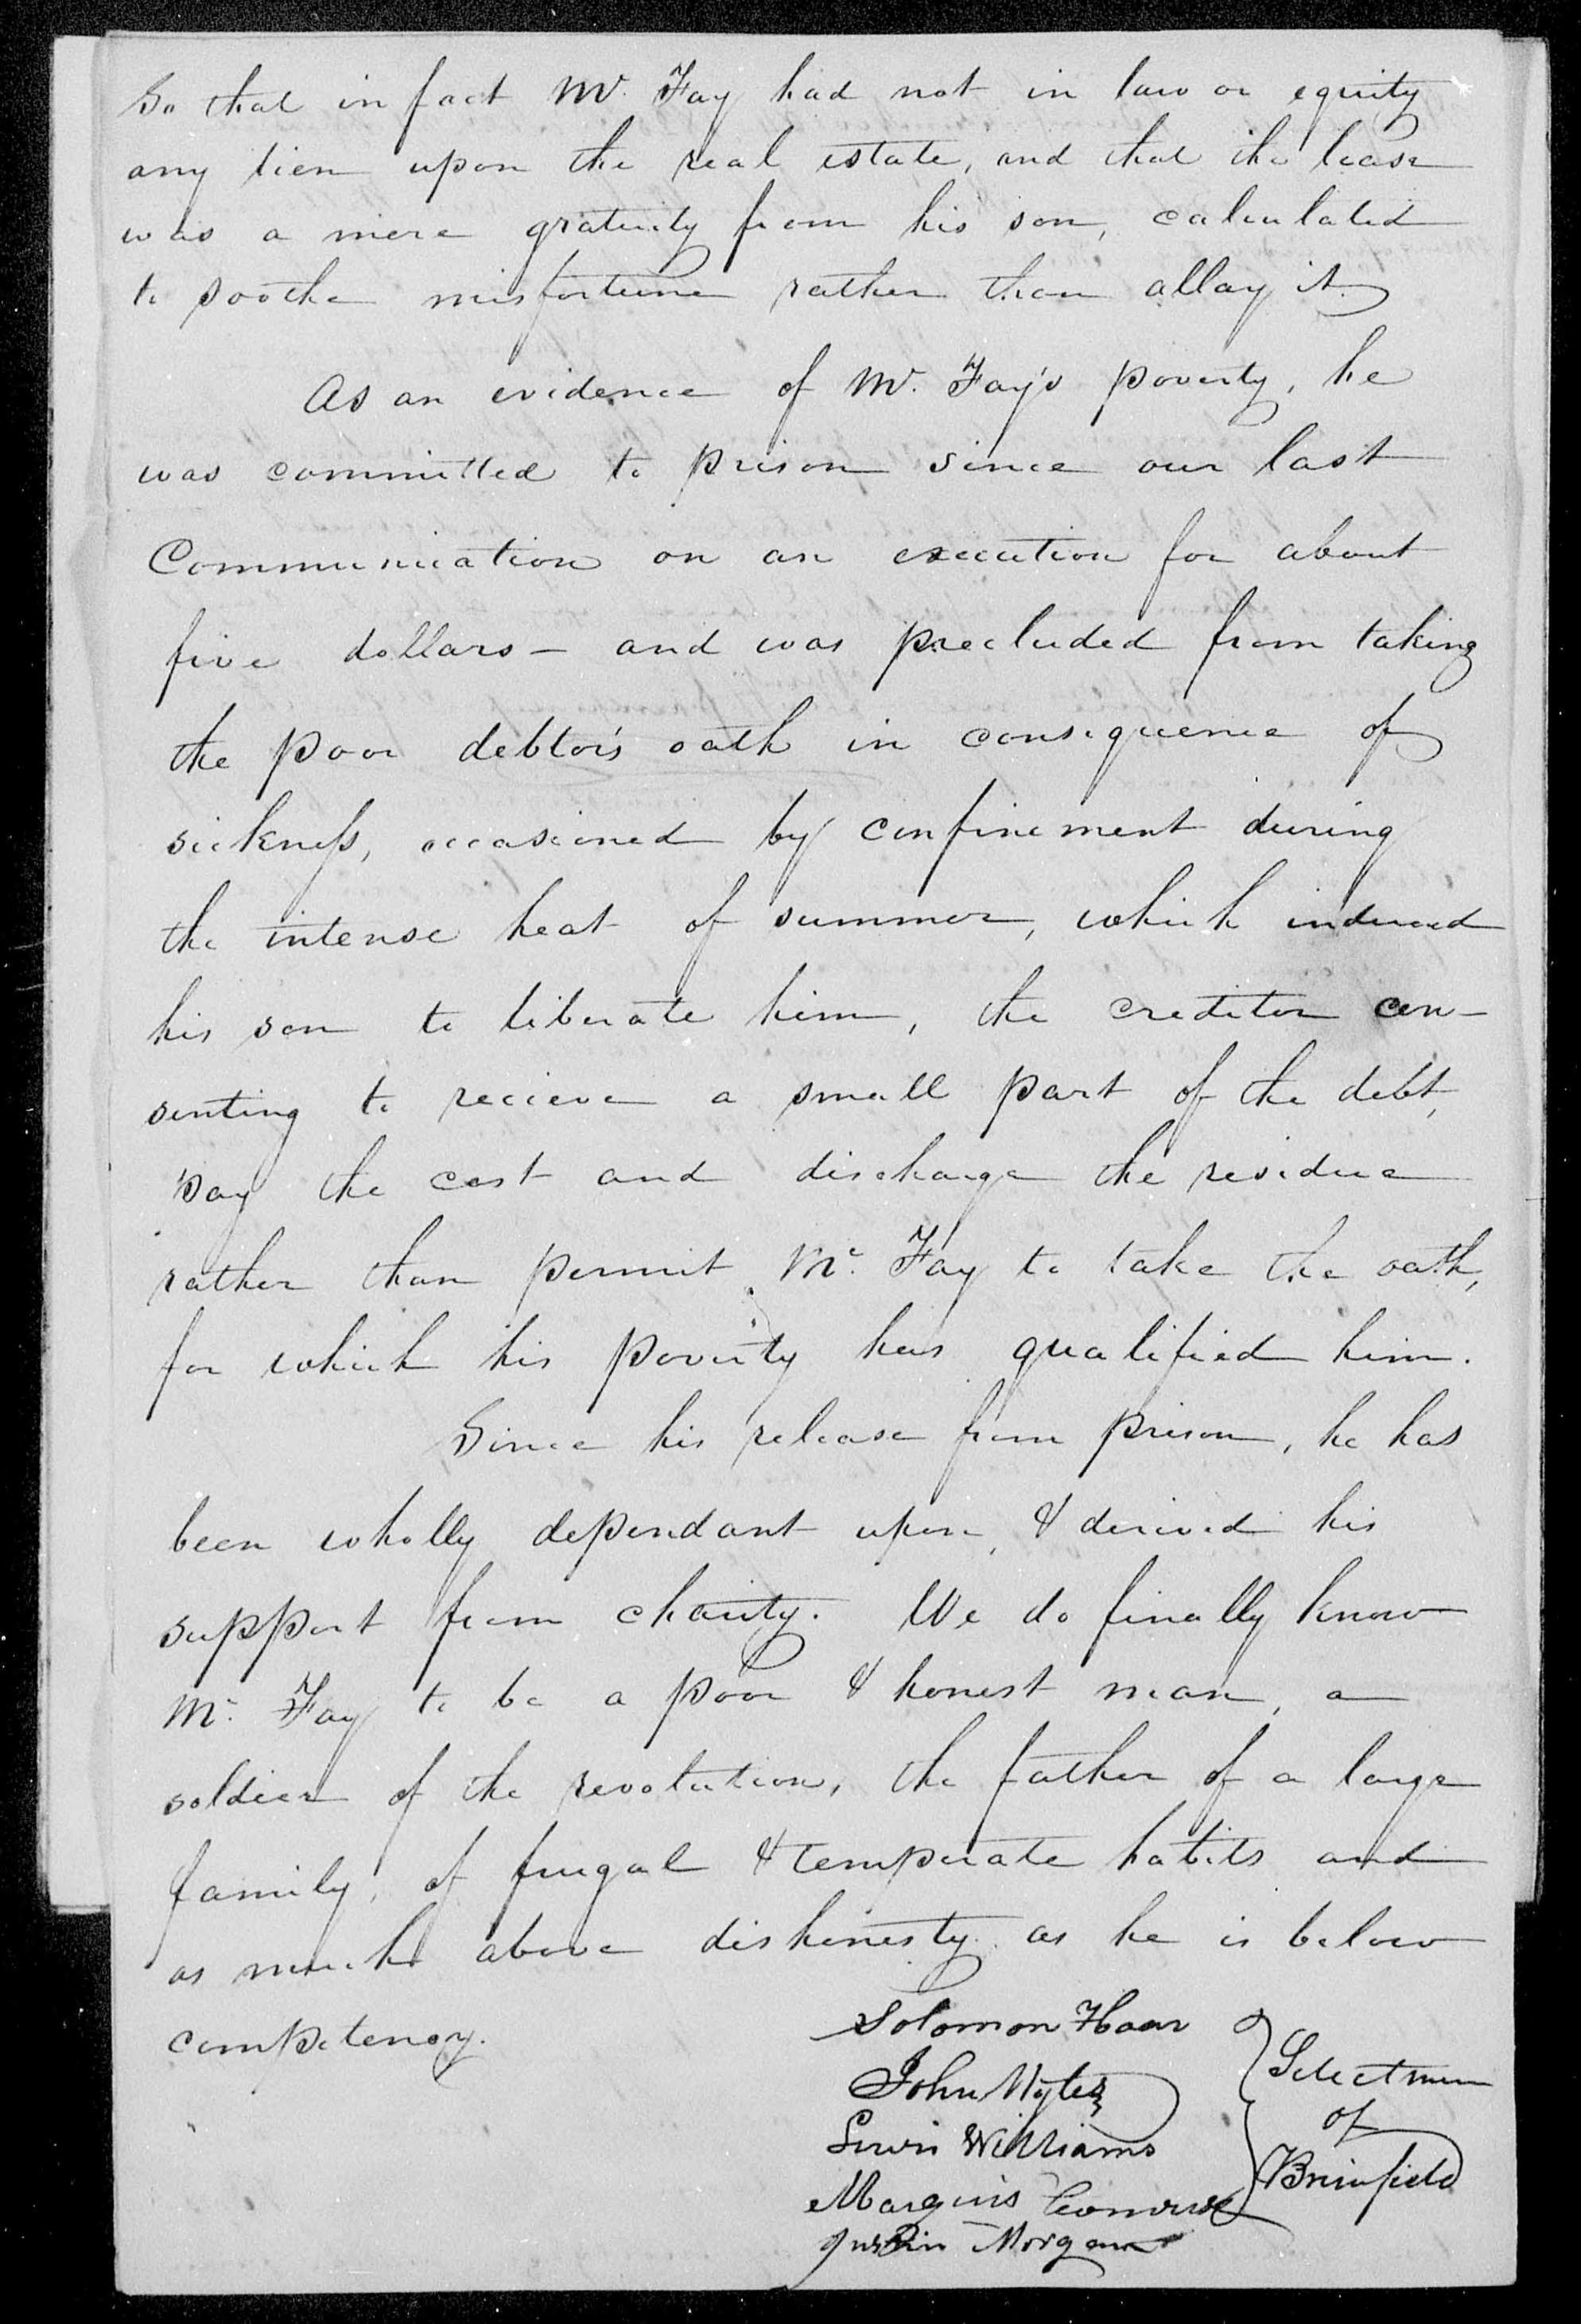so that in fact Mr Fay had not in law or equity
any lien upon the real estate, and that the lease
was a mere gratuity from his son calculated
to soothe misfortune rather than allay it.

As an evidence of Mr Fay's poverty, he was
committed to prison since our last
communication on an execution for about
five dollars-- and was precluded from taking
the poor debtor's oath in consequence of
sickness, occasioned by confinement during the intense heat of summer, which induced
his son to liberate him, the creditor consenting
to receive a small part of the debt say the cost and discharge the residue rather than permit Mc Fay to take the oath for which his poverty has qualified him

Since his release from prison, he has
been wholly dependant upon support from Charity. We do finally know Mr. Fy to be a poor & honest man soldier of the revolution, the father of a large family of frugal & temperate habits and as much above dishonesty as he is below competency.

Signatures of 
Solomon Hoar
John Myles
Lewis Williams
Marquis Converse
Justin Morgan
Selectmen of Brimfield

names: Fay, Lewis Williams, Solomon Hoar, Marquis Converse, Fay, John Wyles, Fay, Justin Morgan, Fay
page: 18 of 31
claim: survivor's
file: S. 34,839, Thomas Fay, Mass.